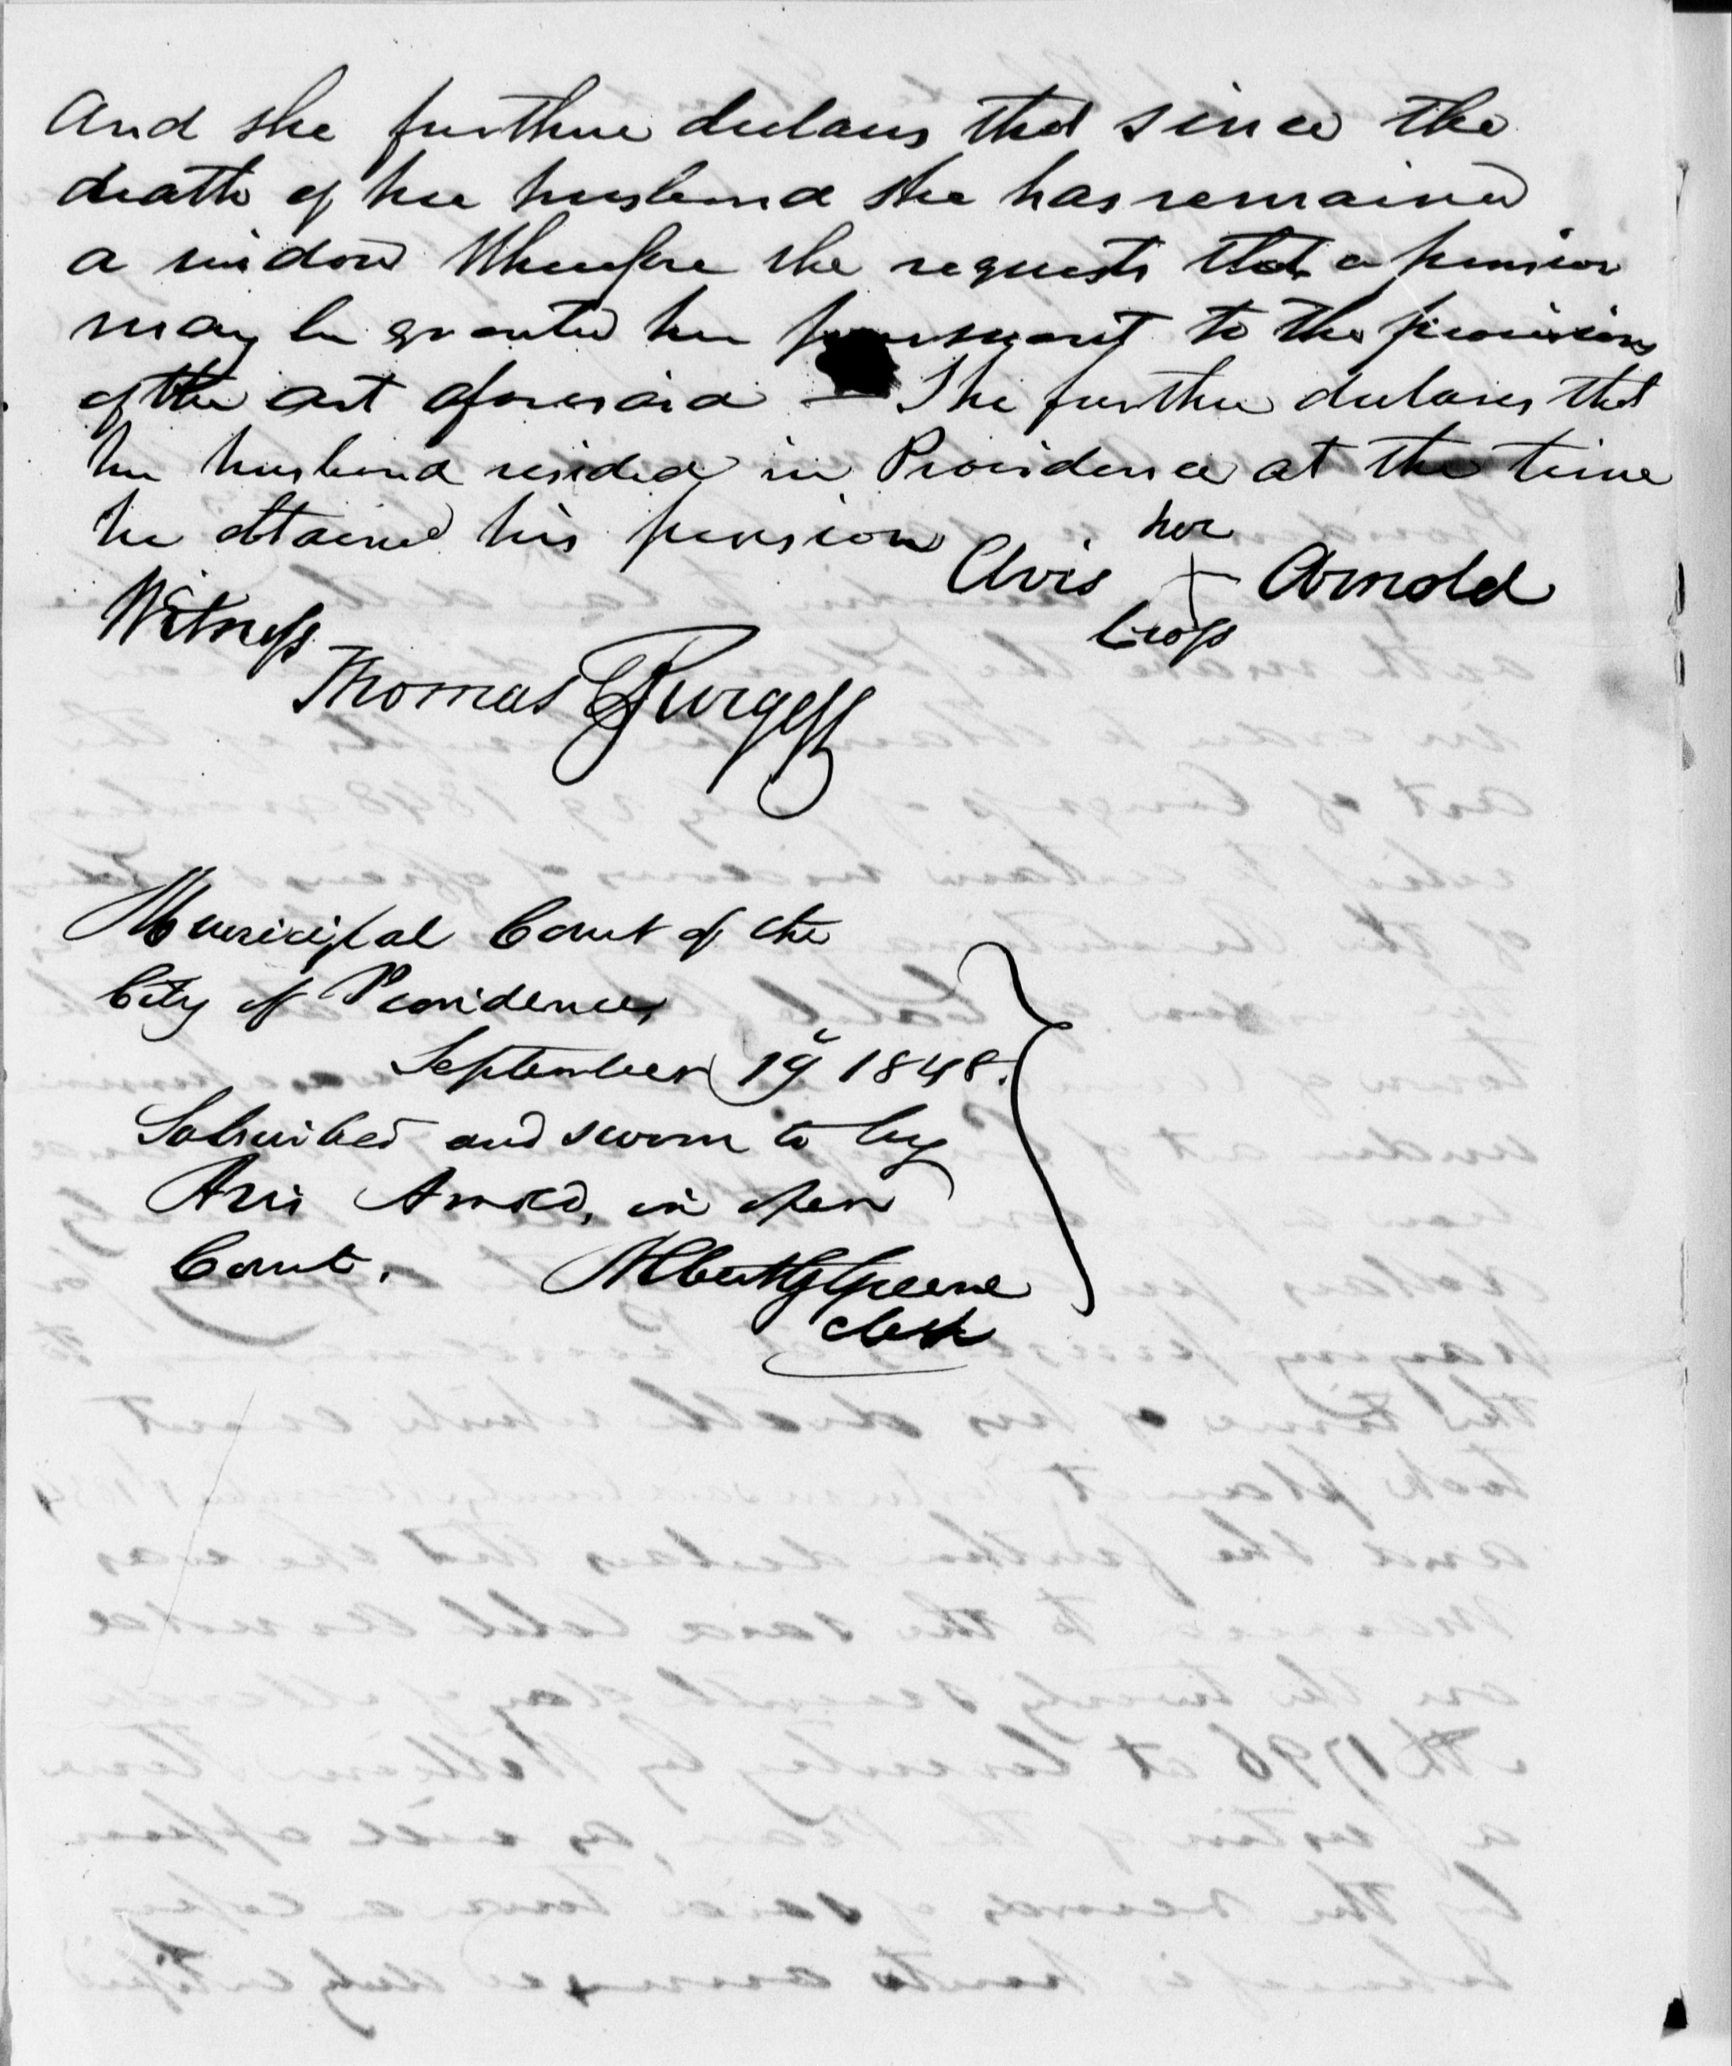And she further declares that since the death of her husband she has remained a widow Wherefore she requests that opinion may be granted her judgement to the provisions of the Act aforesaid [ink blot] She further declares that her husband resided in Providence at the time he obtained his pension
Avis Arnold X her [illegible]
Witness  [signature] Thomas C Purgell
Municipal Court of the City of Providence
September 19th 1848
Subscribed and sworn to by Avis Arnold in open Court.[signature] Albert G Greene Clerk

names: Albert G Greene, Thomas Burgess, Avis Arnold, Avis Arnold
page: 10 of 29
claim: widow's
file: W. 2582, Caleb Arnold, R.I.